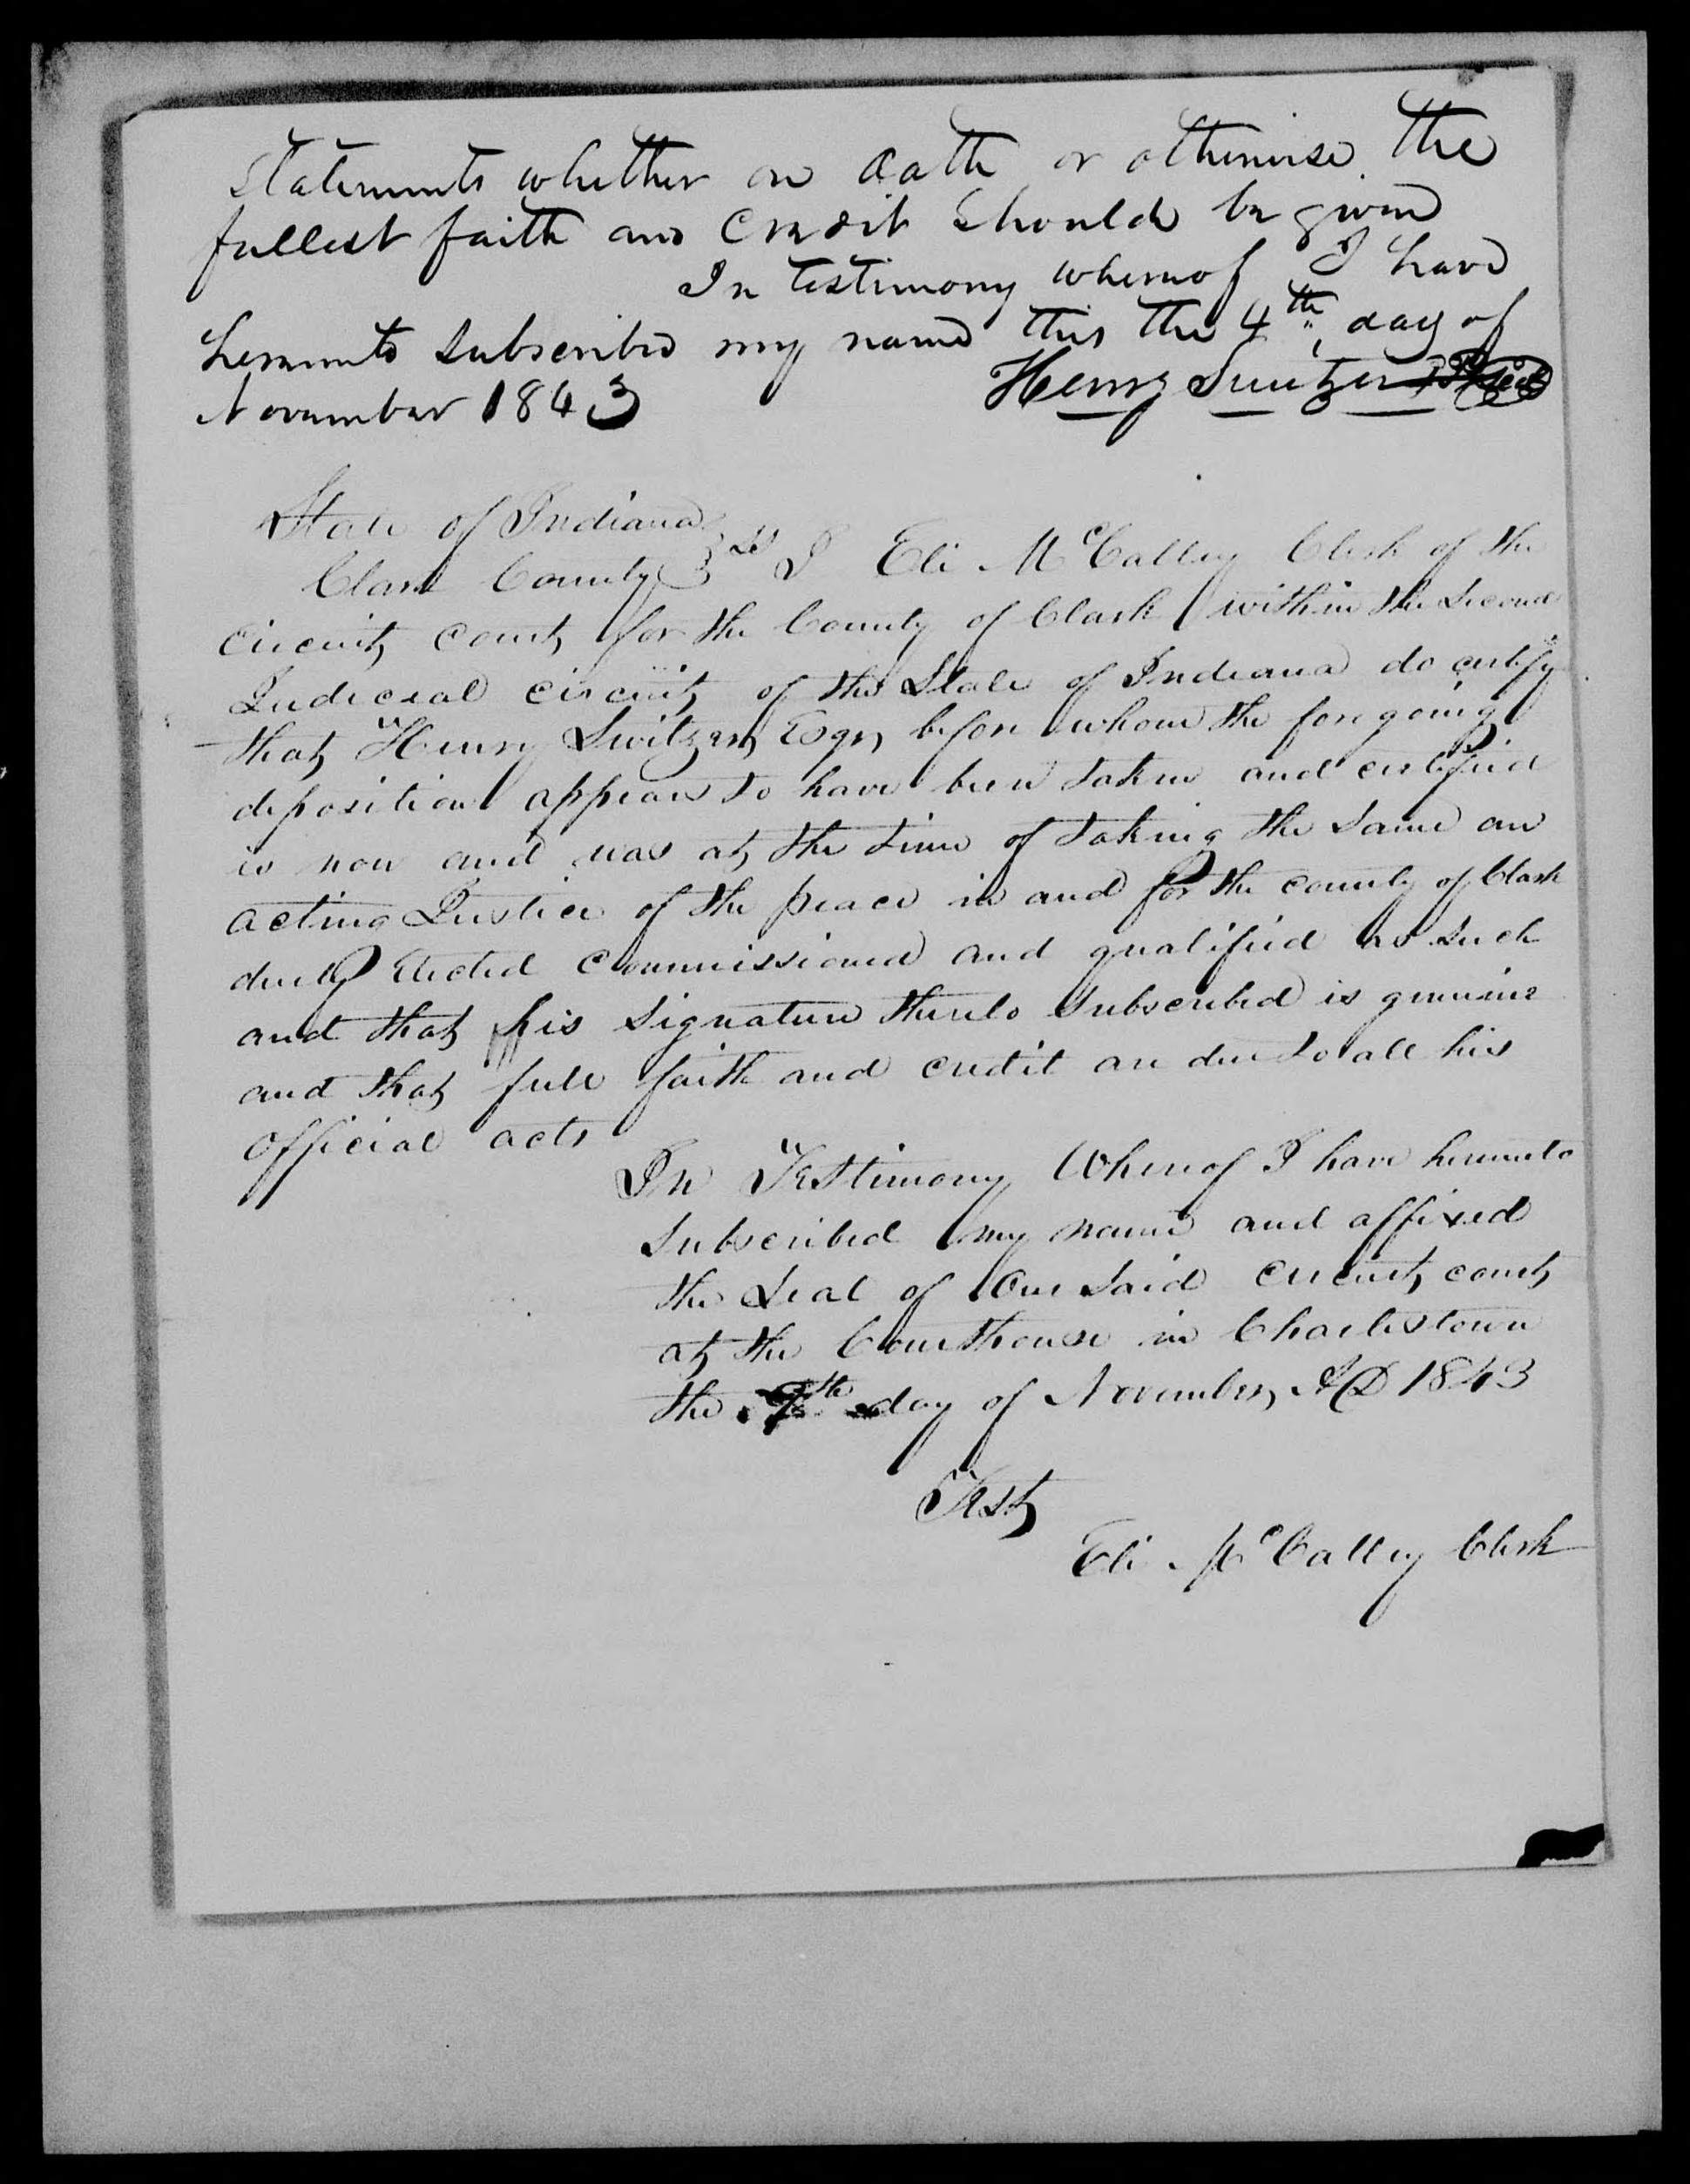statements whether on oath or otherwise the fullest faith and credit should be given
In testimony whereof hereunto subscribe my name this the 4th day of November 1843
[signed] Henry Switzer JP {seal}

State of Indiana Clark County } ss

I Eli McCalley Clerk of the Circuit Court for the County of Clark within the second Judicial Circuit of the State of Indiana do certify that Henry Switzer Esqr before whom the foregoing deposition appears to have been taken and certified is now and was at the time of taking the same an acting Justice of the peace in and for the County of Clark duly elected commissioned and qualified as such and that his signature thereto subscribed is genuine and that full faith and credit are due to all his official acts In Testimony Whereof I have hereunto
Subscribed my name and affixed the seal of our said Circuit Court at the Courthouse in Charlestown the 8th day of November AD 1843
Test
[signed] Eli McCalley Clerk

[illegible Court Seal affixed at left]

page: 74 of 78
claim: widow's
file: W. 25,169, for Daniel Sullivan, Maryland